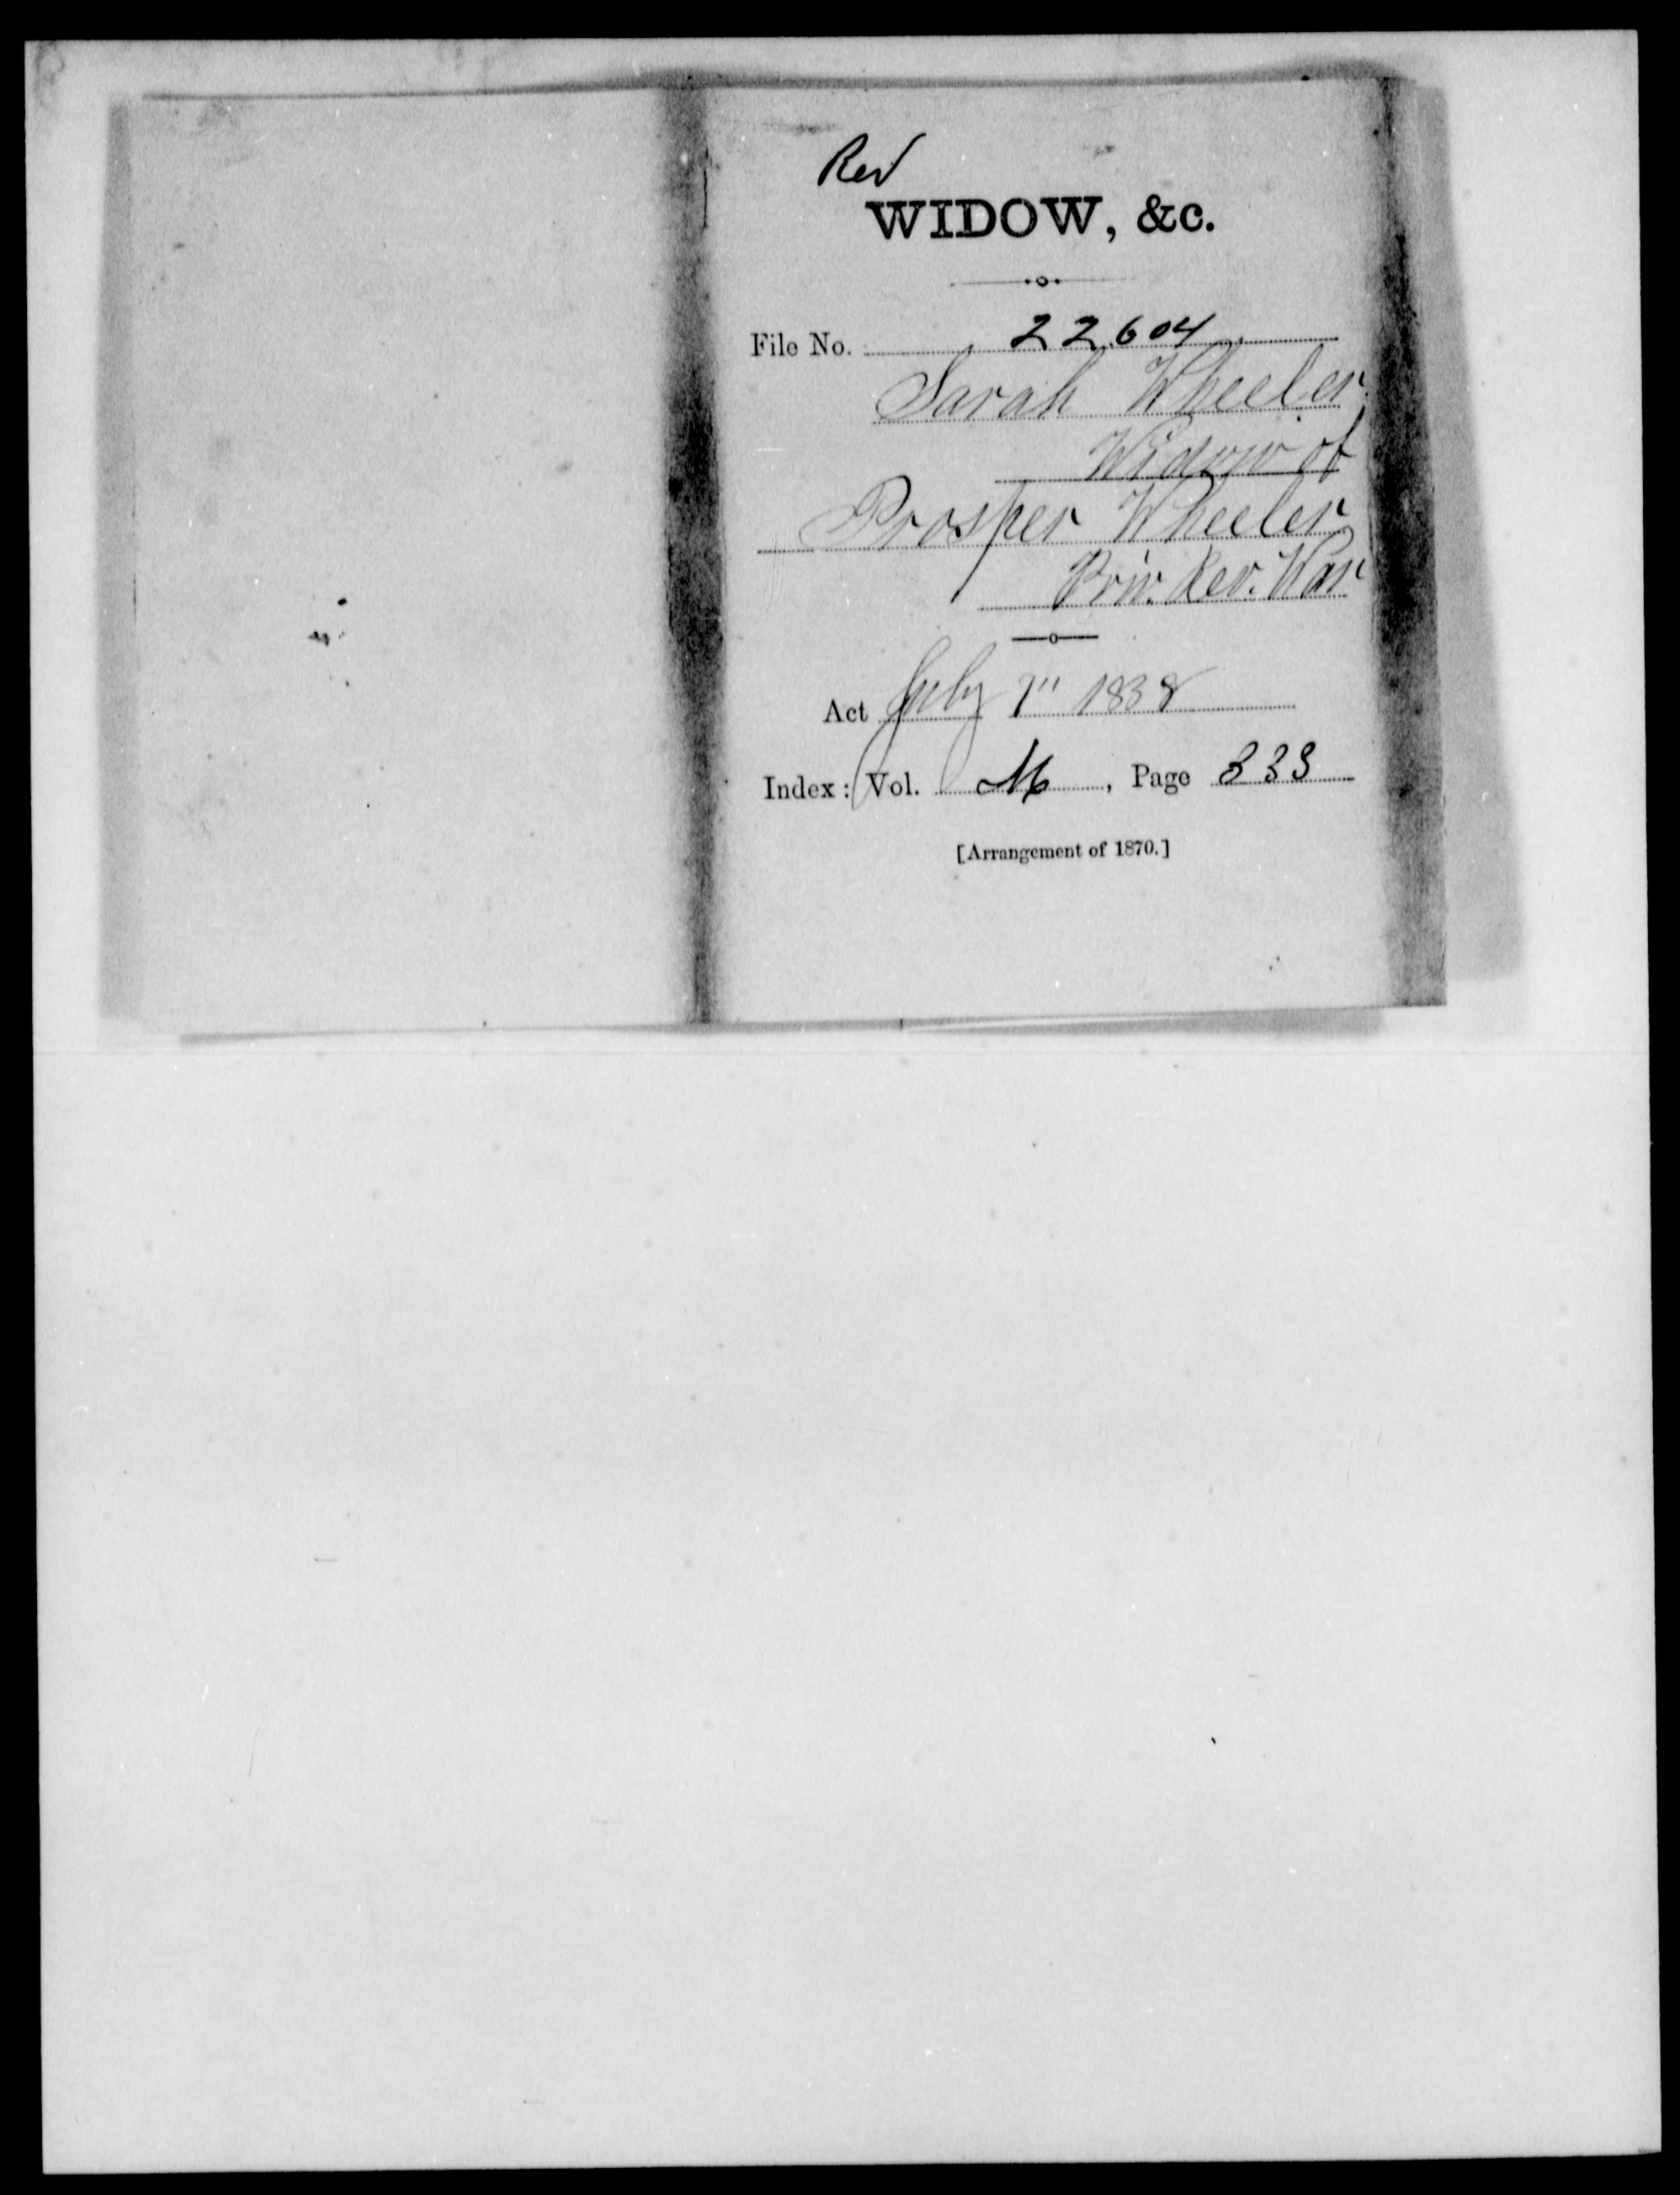Rev
WIDOW, &c.
File No. 22.604,
Sarah Wheeler
Widow of
Prosper Wheeler
Priv. Rev. War
─◦─
Act July 7". 1838
Index: Vol. M, Page 333
[Arrangement of 1870.]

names: Prosper Wheeler, Sarah Wheeler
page: 23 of 29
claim: widow's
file: W. 22604, Prosper Wheeler, Conn.